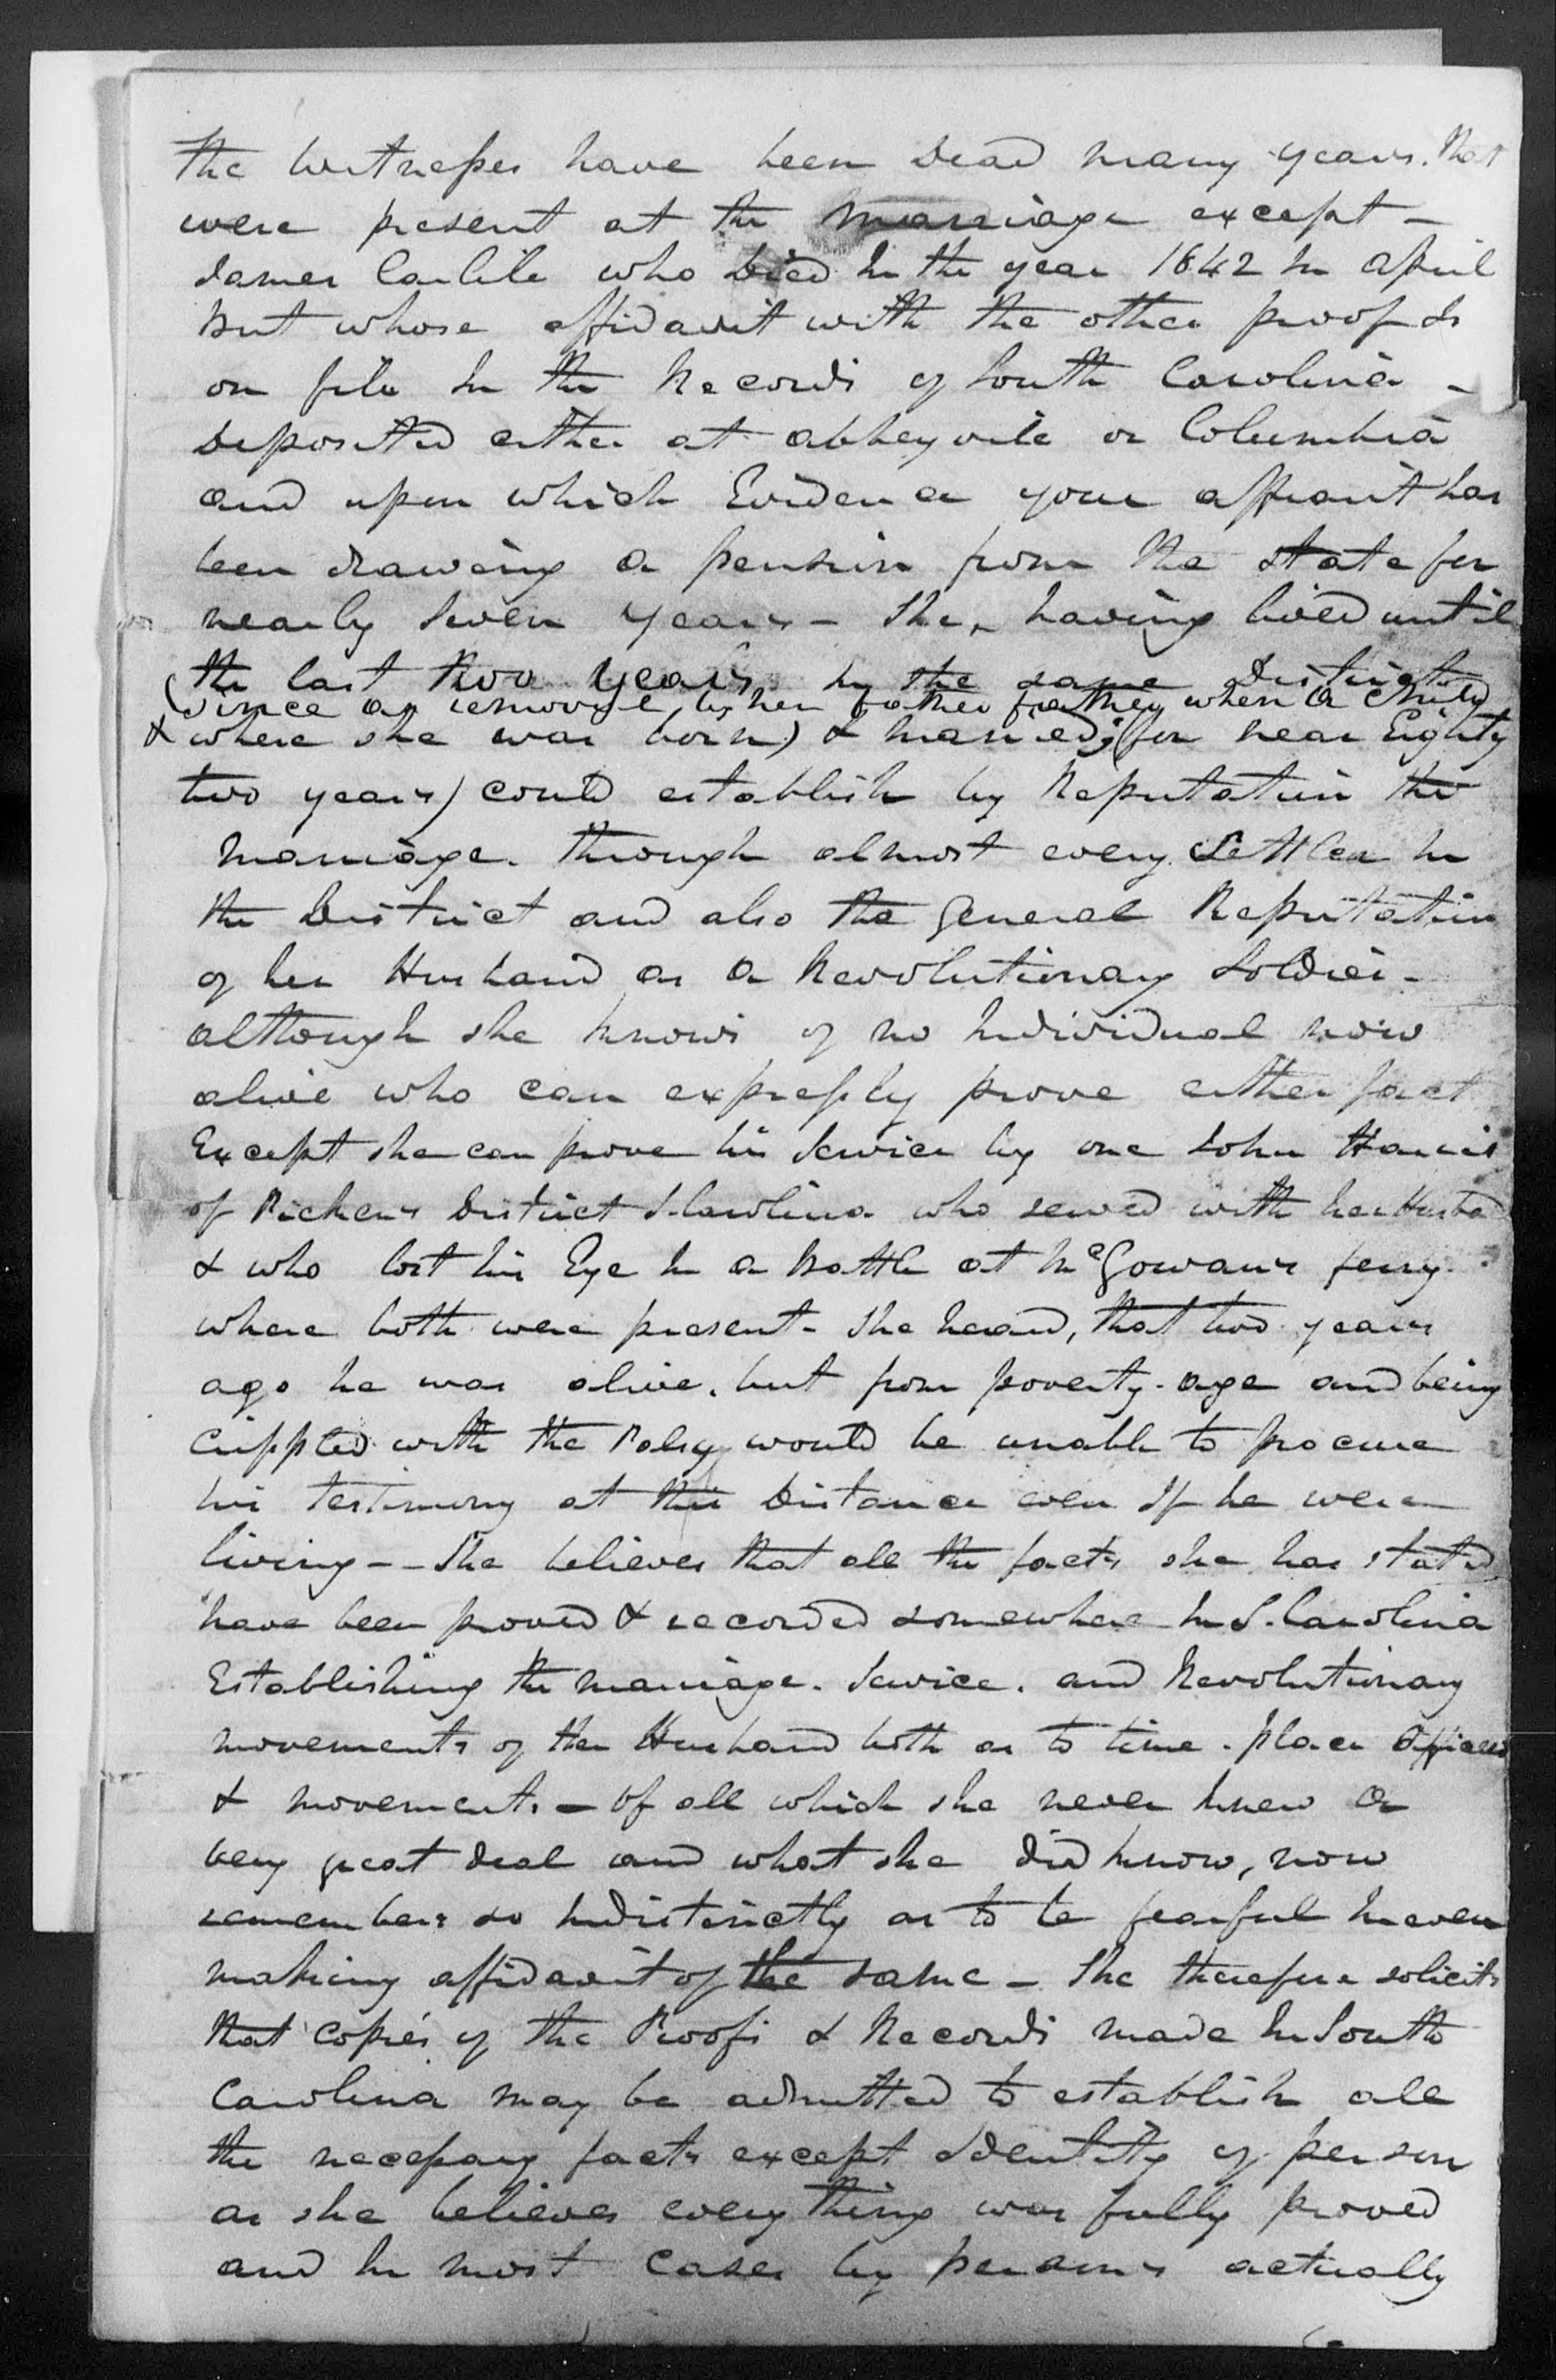the witnesses have been dead many years. that were present at the marriage except- James Carlisle who died in the year 1842 in April but whose affidavit with the other proof is on file he the Records of South Carolina Deposited either at Abbeyville or Columbia and upon which evidence your affiant has been drawing a pension from the state for nearly seven years. She having lived until the last two years in the same district (since she was removed by her father & where she was born) & married (for near Eighty two years) could establish by reputation the marriage through almost every settler in the District and also the general reputation of her Husband as a Revolutionary soldier - 
although she knows of no Individual now alive who can expressly prove either fact.  Except she can prove his service by one John Harris of Pickens District S. Carolina who served with her Husband & who lost his eye in a battle at McGowans ferry where both were present. She heard, that two years
ago he was alive but from poverty, age and being crippled with the palsy would be unable to procure
his testimony at this distance even if he were living-- she believes that all the facts she has stated
have been proved & recorded somewhere in S. Carolina. Establishing the marriage, Service, and Revolutionary movements of the Husband both as to time place of & movement. of all which she never knew or a very great deal and what she did know, now remembers so indistinctly as to be fearful of even making affidavit of the same. - She therefore solicits that copies of the proofs & Record made in South Carolina may be admitted to establish all the necessary facts except identity of person as she believe every thing was fully proved and in most case by persons actually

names: James Carlile, John Harris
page: 7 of 91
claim: widow's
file: W. 10576, Francis Carlisle, S.C.